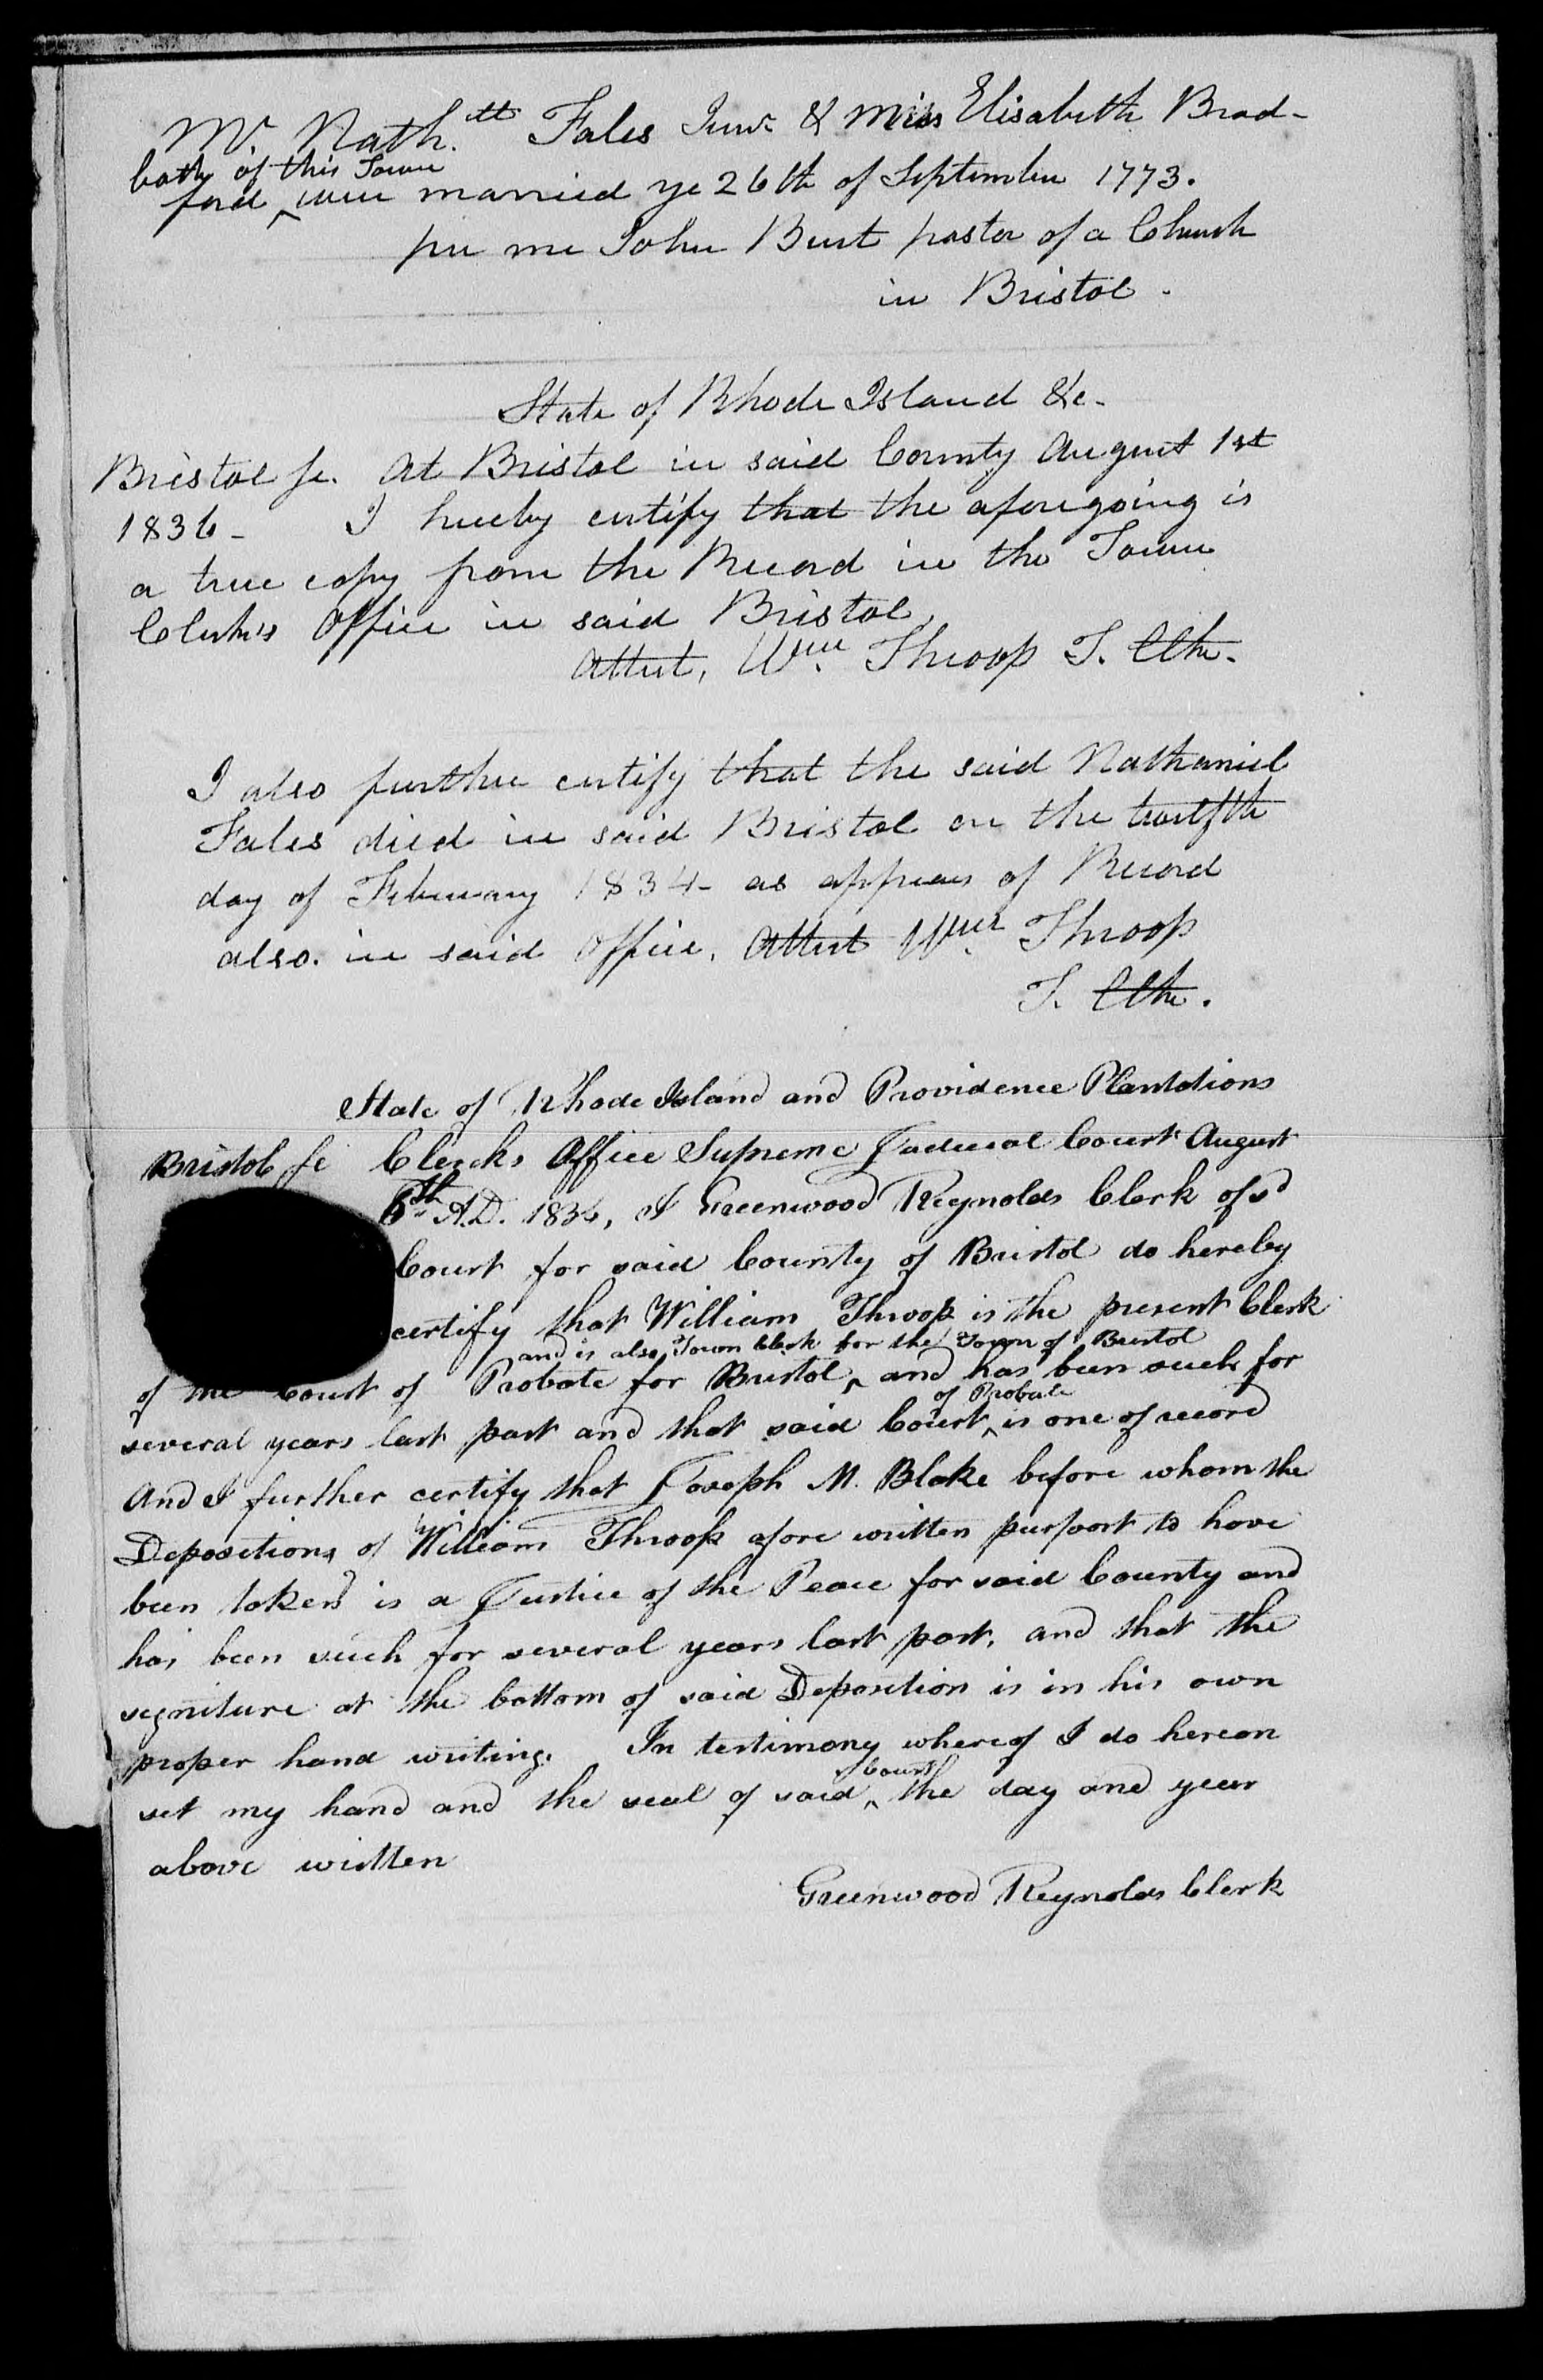Nath. Fales [illegible] & Mrs. Elizabeth Bradford both of this town were married ye 26th of September 1773.
per me John Burt pastor of a church in Bristol

State of Rhode Island & Bristol at Bristol in said county August 1st 1836 - I hereby certify that the aforegoing is a true copy from the record in the town clerk's office in said Bristol. 
Attest Wm. Throop T. Clk. 

I also further certify that the said Nathaniel Fales died in said Bristol on the twelfth day of Februrary 1834 as appears of record also  in said office attest Wm. Throop
T. clk. 

State of Rhode Island and Providence Plantations Bristol 
Clerks office supreme Judicial Court August 6th AD 1836 I Greenwood Reynolds clerk of s.d court for said county of Bristol do hereby certify that William Throop is the present clerk and is day town clerk for the town of Bristol of the court of Probate for Bristol and has been such for several years last part and that said court of probate is one of record and I further certify that Joseph M. Blake before whom the deposition of William Throop afore written purport to have been taken is a justice of the peace for said county and has been such for several years last part and that the signature at the bottom of said deposition is in his own proper hand writing. In testimony whereof I do hereon set my hand and the seal of said court the day and year above written. 
Greenwood Reynolds Clerk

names: Greenwood Reynolds, Joseph M Blake, Nathaniel Fales, Nathel Fales, Wm Throop, Greenwood Reynolds, John Burt, Elizabeth Bradford, William Throop, Wm Throop, William Throop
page: 16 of 32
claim: widow's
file: W. 24,173, Nathaniel Fales, R.I.